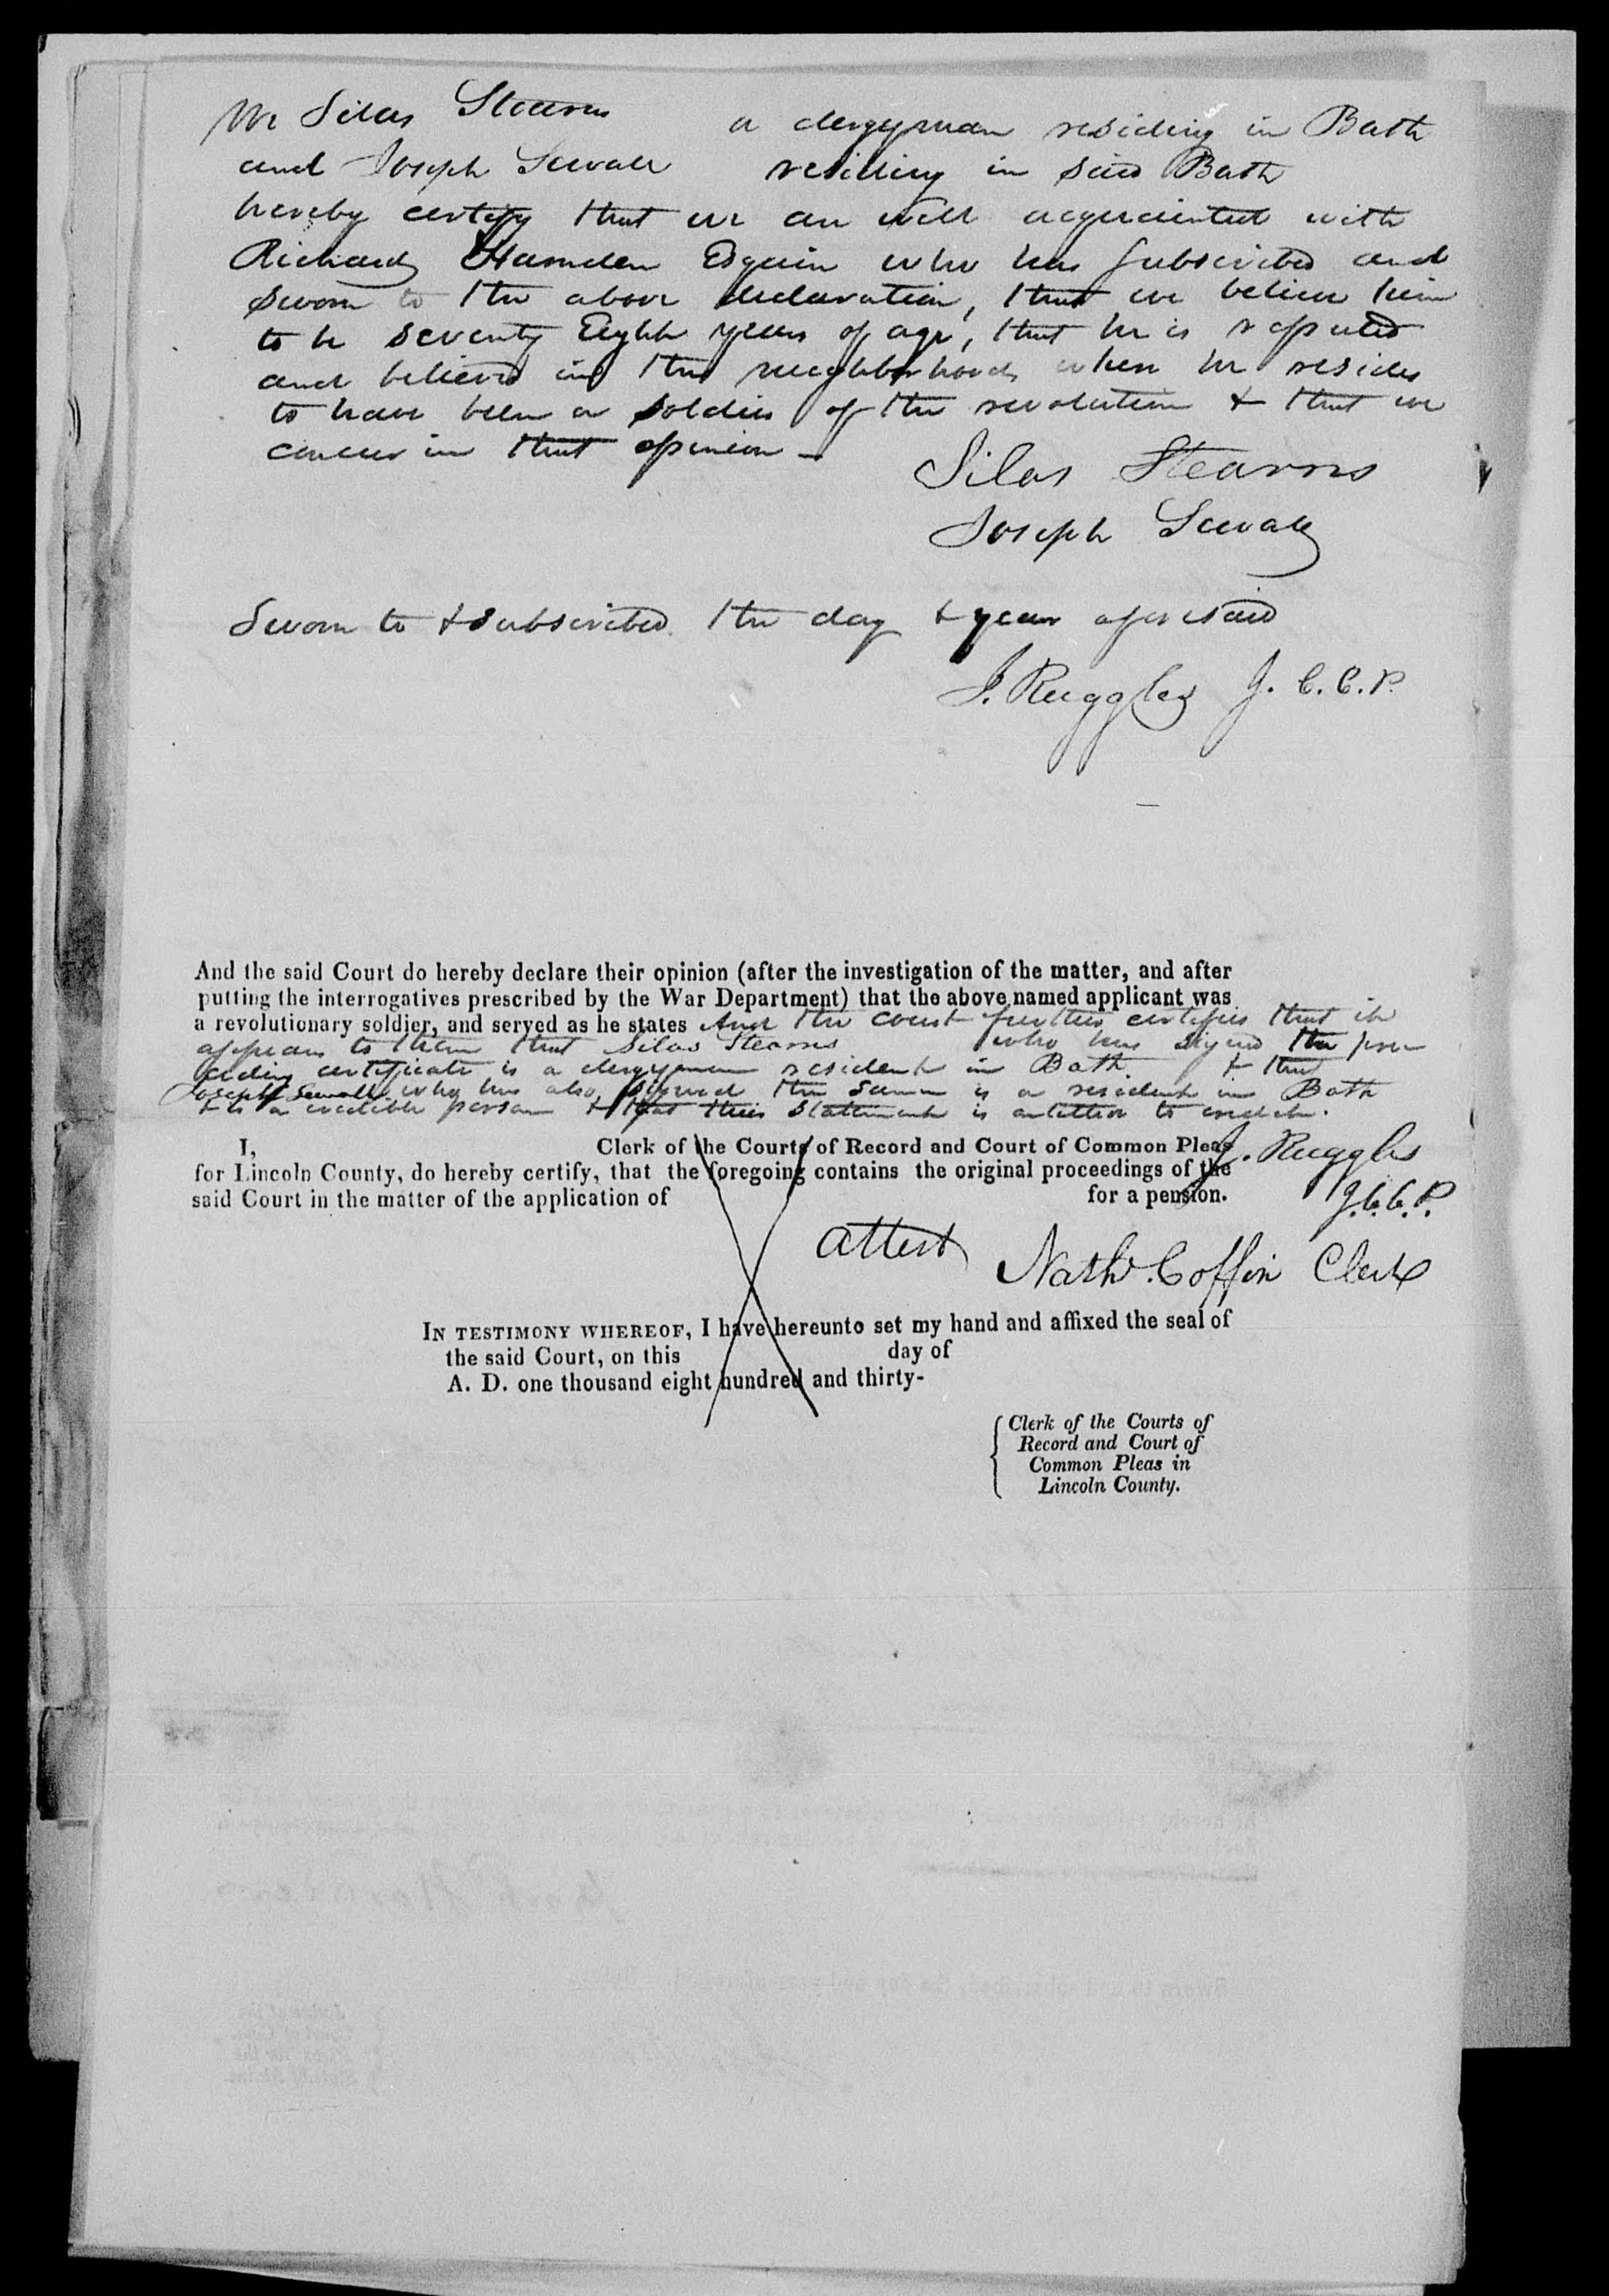Mr Silas Stearns a clergyman residing in Bath and Joseph Sewall residing in said Bath hereby certify that we are well acquainted with Richard Harnden esquire who has fabricated and sworn to the above declaration, we believe him to be seventy eight years of age, that he is reputed and believed in the neighborhood where he resides to have been a soldier of the revolution & that we concur in this opinion. 
Silas Stearns
Joseph Sewall

Sworn to & subscribed the day & year aforesaid.
J. Ruggles J.C.C.P.

and the said court do hereby declare their opinion (after the investigation of the matter, and after putting interrogatives prescribed by the War Department) that the above named applicant was a revolutionary soldier, and served as he states And the court further certifies that it appears to them that Silas Stearns who has signed the pre
ceding certificate is a clergyman residing in Bath & that Joseph Sewall who has also signed the same is a resident in Bath & is a credible person & that this Statement is a XXXXX to credit.

I_______Clerk of the Courts of Record and Court of Common Pleas for Lincoln County, do certify that the foregoing contains the original proceedings of the said Court in the application of X for a pension. 
J. Ruggles
J.C.C.P.
attest Nathl Coffin Clerk
In testimony whereof, I have hereunto set my hand and affixed the seal of the said Court on this _________________day of
A.D. one thousand eight hundred and thirty---
Clerk of the Courts of Record and Court of Common Pleas in Lincoln County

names: Silas Stearns, Joseph Sewall, Nathl Coffin, Silas Stearns, J Ruggles, Richard Harnden, Joseph Sewall, Joseph Sewall, J Ruggles, Silas Stearns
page: 7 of 10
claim: survivor's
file: S. 29,195, Richard Harnden, Mass.